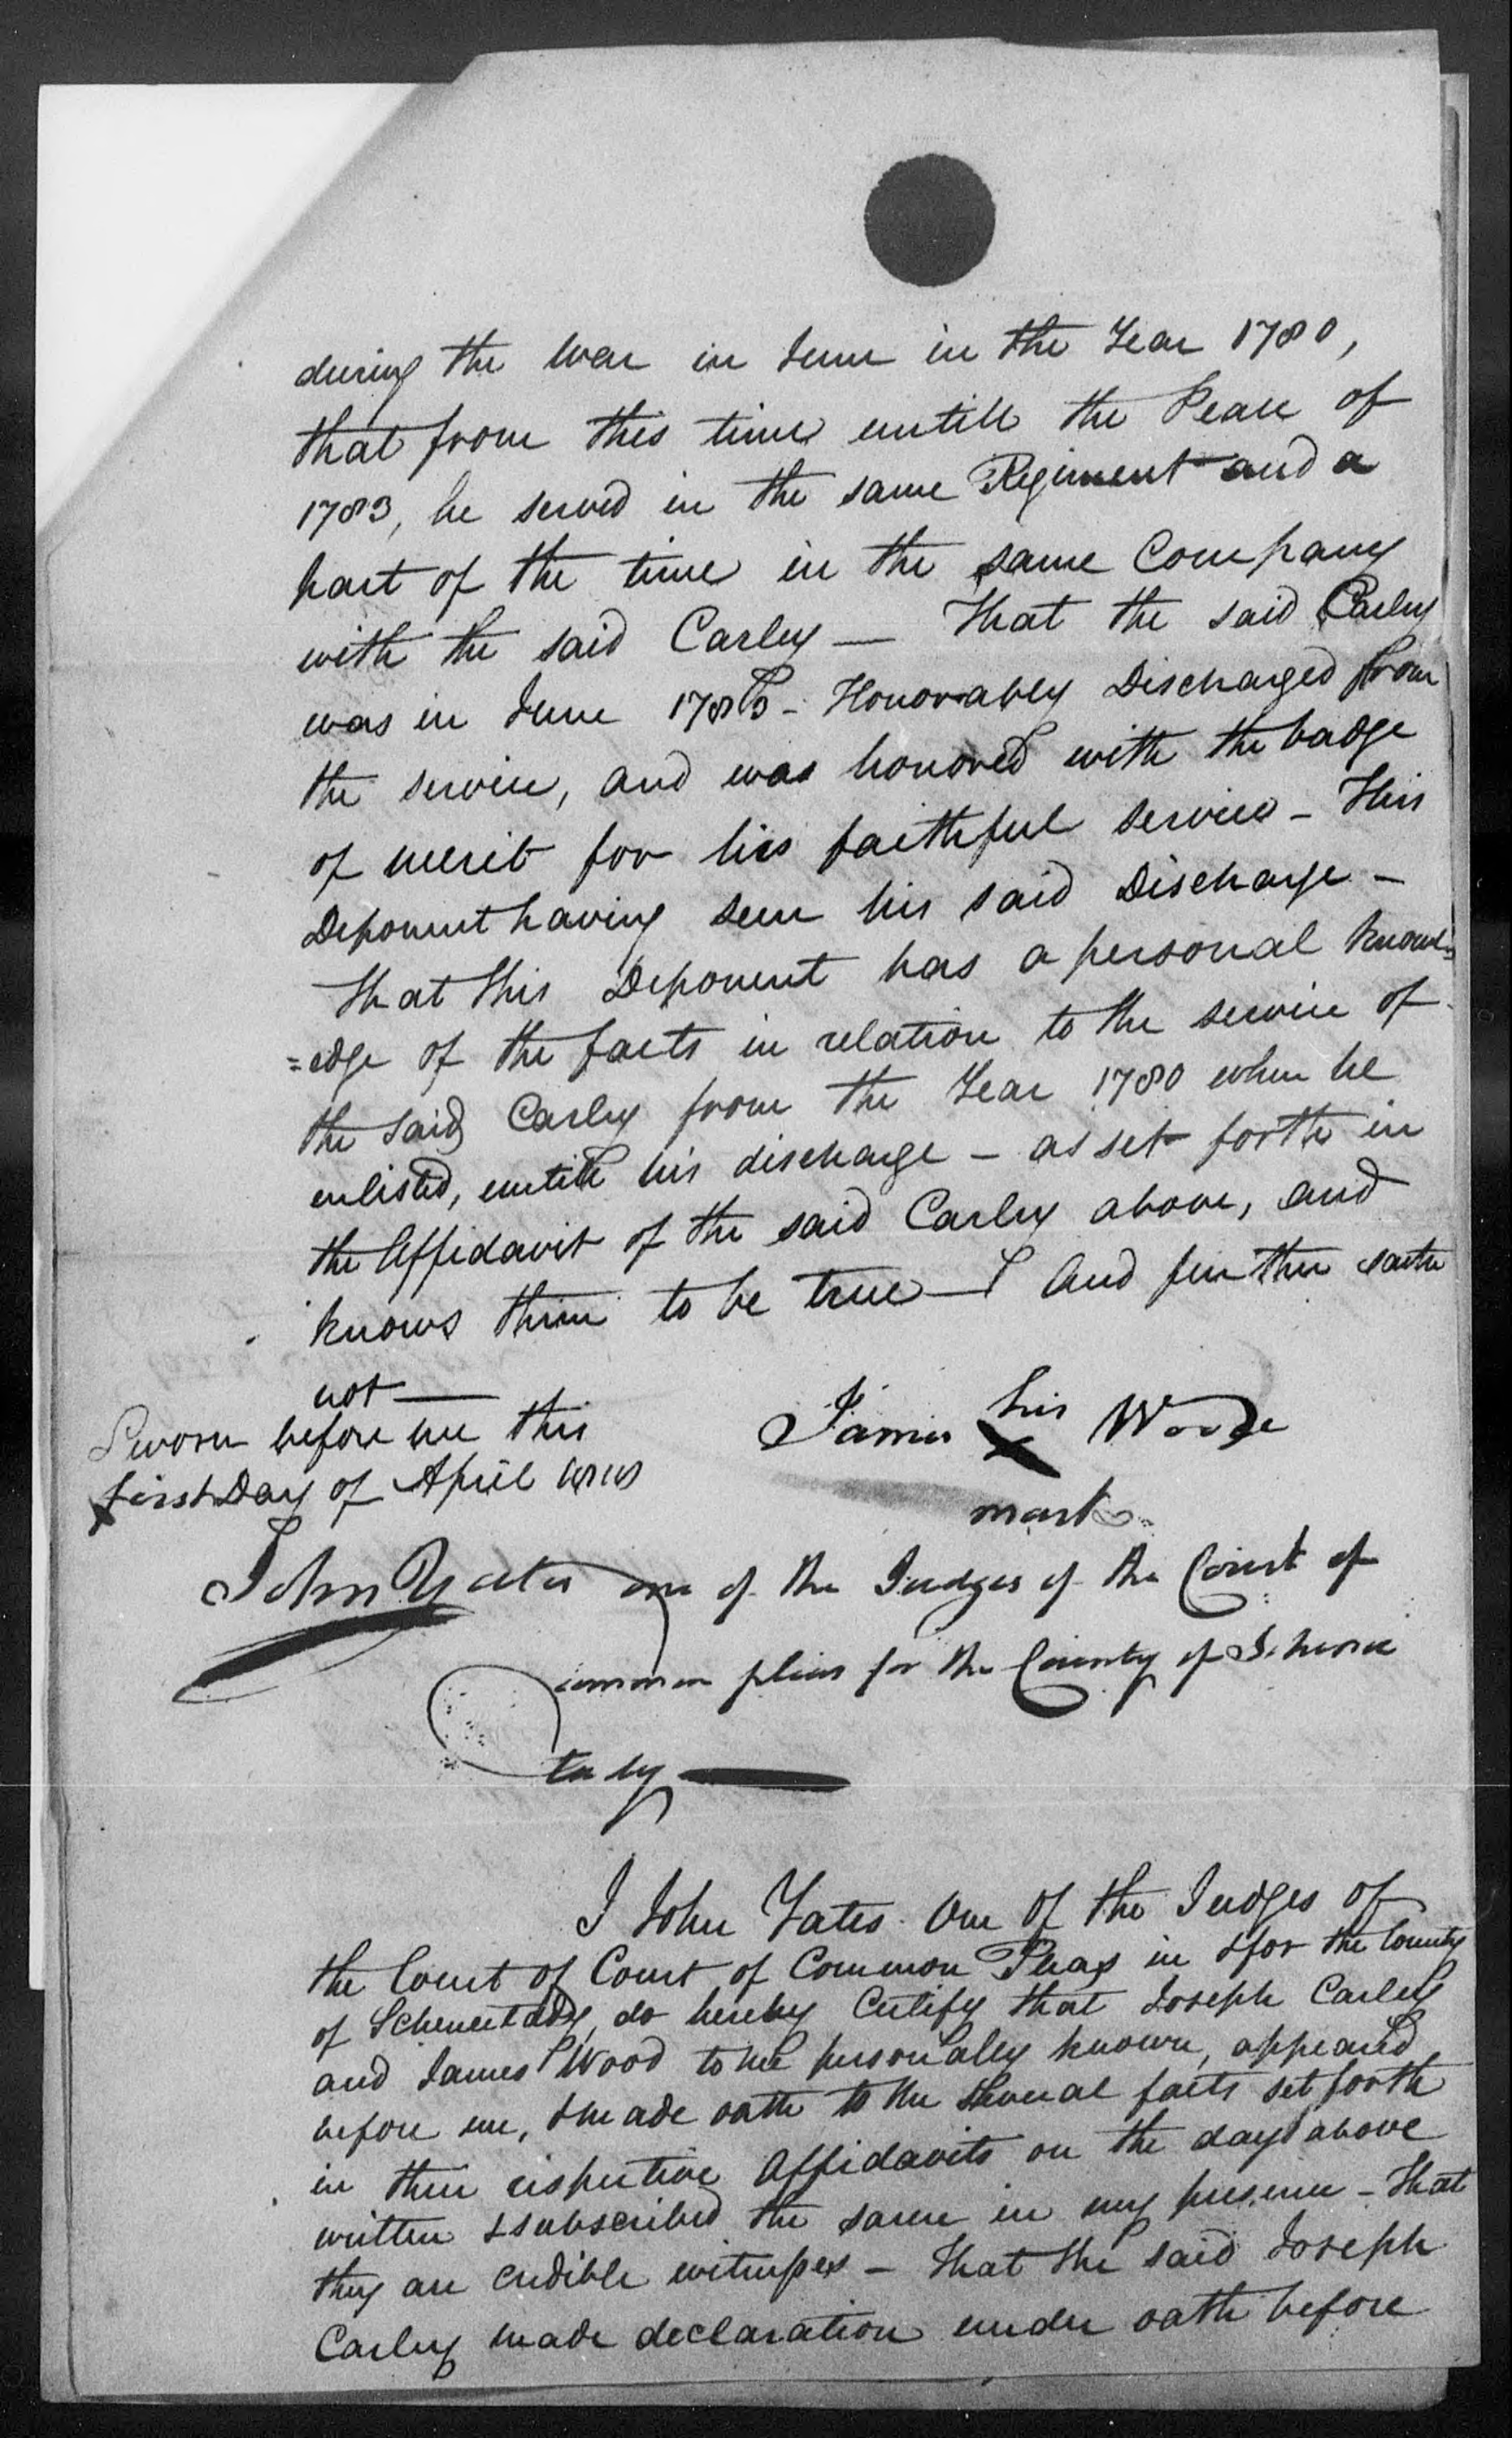during the war in June in the year 1780, that from this time until the Peace of 1783, he served in the same Regiment and a part of the time in the same Company with the said Carley - That the said Carley was in June 1783 honorably discharged from the service, and was honored with the badge of Merit for his faithful service - This deponent having seen his said discharge - That this deponent has a personal knowledge of the facts in relation to the service of the said Carley from the year 1780 when he enlisted, until his discharge - as set forth in the affidavit of the said Carley above, and knows this to be true - and further saith not.

James Wood (his mark)

Sworn before me
this first day of April 1818

John Yates one of the Judges of the Court of Common Pleas for the County of Schenectady

I John Yates one of the Judges of the Court of Court of Common Pleas in and for the County of Schenectady, do hereby certify that Joseph Carley and James Wood to me personally known, appeared before me, and made oath to the several facts set forth in their respective affidavits on the day above written and subscribed the same in my presence  - That they are credible witnesses - That the said Joseph Carly made declaration under oath before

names: John Yates, Carley, Carley, Carley, Joseph Carley, Joseph Carley, James Woode, John Yates, Carley, James Wood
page: 6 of 16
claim: survivor's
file: S. 44371, Joseph Carley, New York.